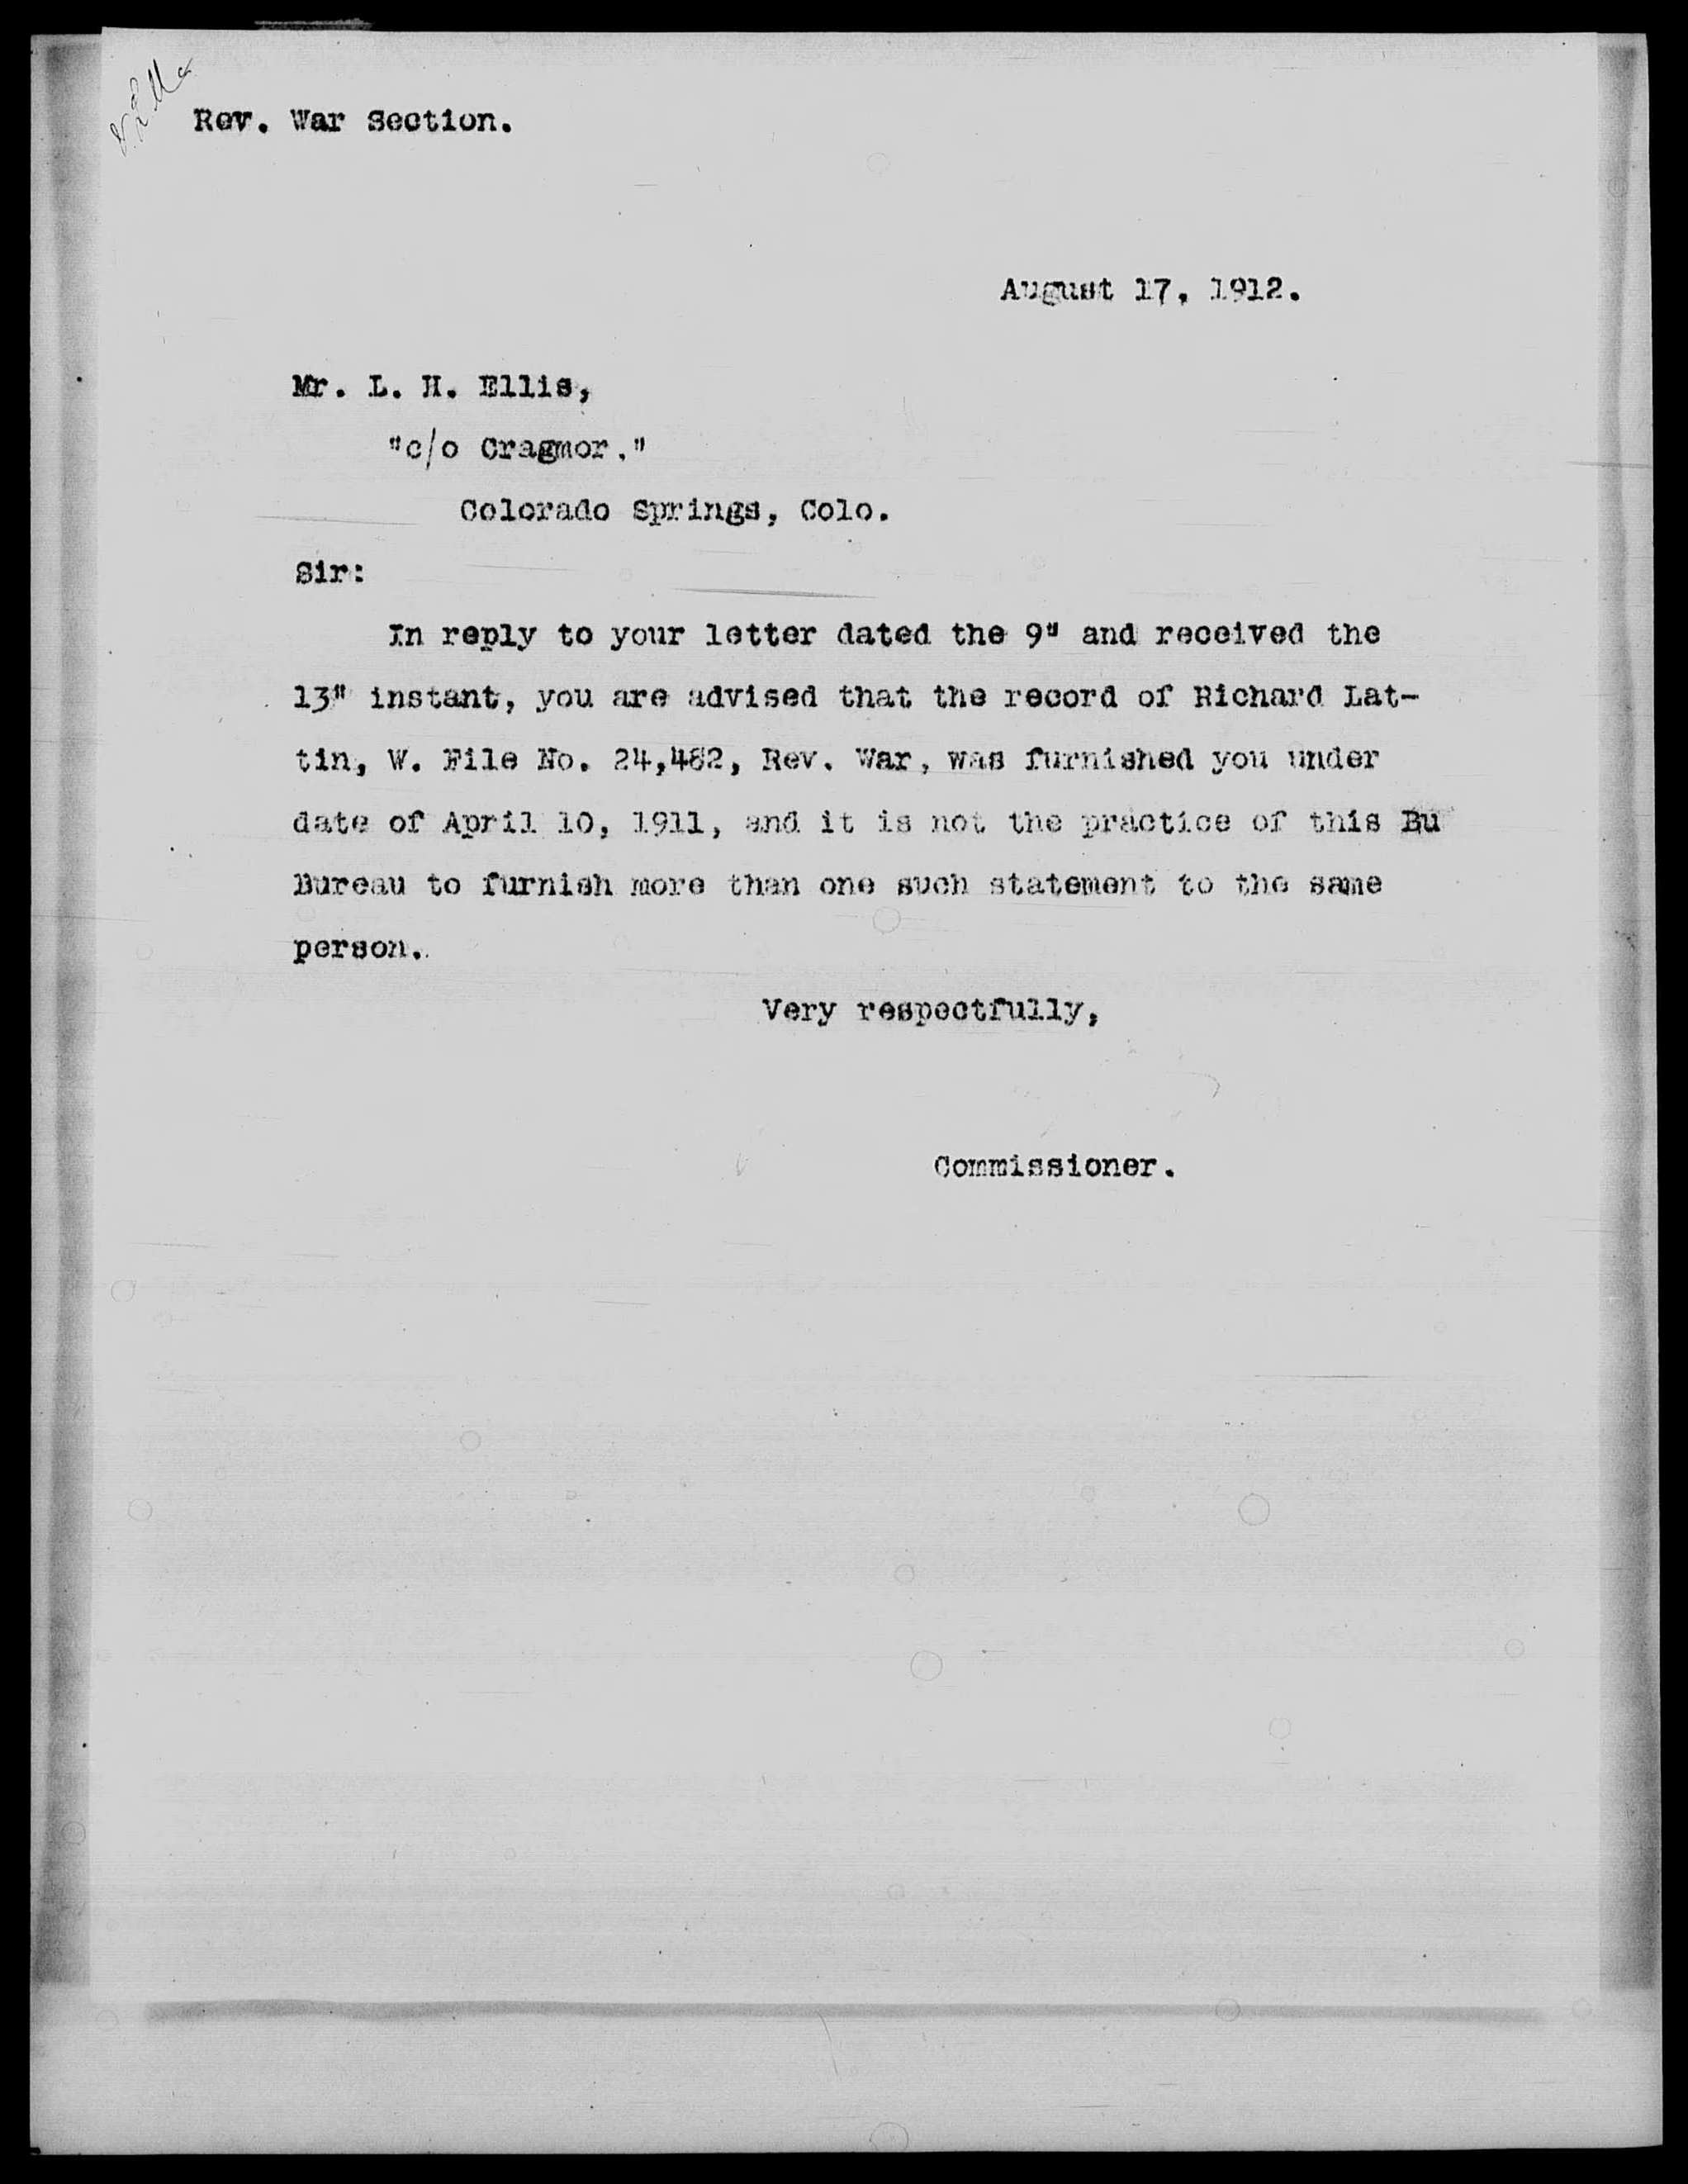Rev. War Section.

August 17, 1912.

Mr. L. H. Ellis,
“c/o Cragnor,”
Colorado Springs, Colo.

Sir:
In reply to your letter dated the 9” and received the
13" instant, you are advised that the record of Richard Lattin, W. File No. 24, 462, Rev. War, was furnished you under
date of April 10, 1911, and it is not the practice of this 
Bureau to furnish more than one such statement to the same
person.
Very respectfully,
Commissioner.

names: Richard Lattin; L H Ellis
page: 87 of 99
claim: widow's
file: W. 24,482, for Richard Lattin, Vermont